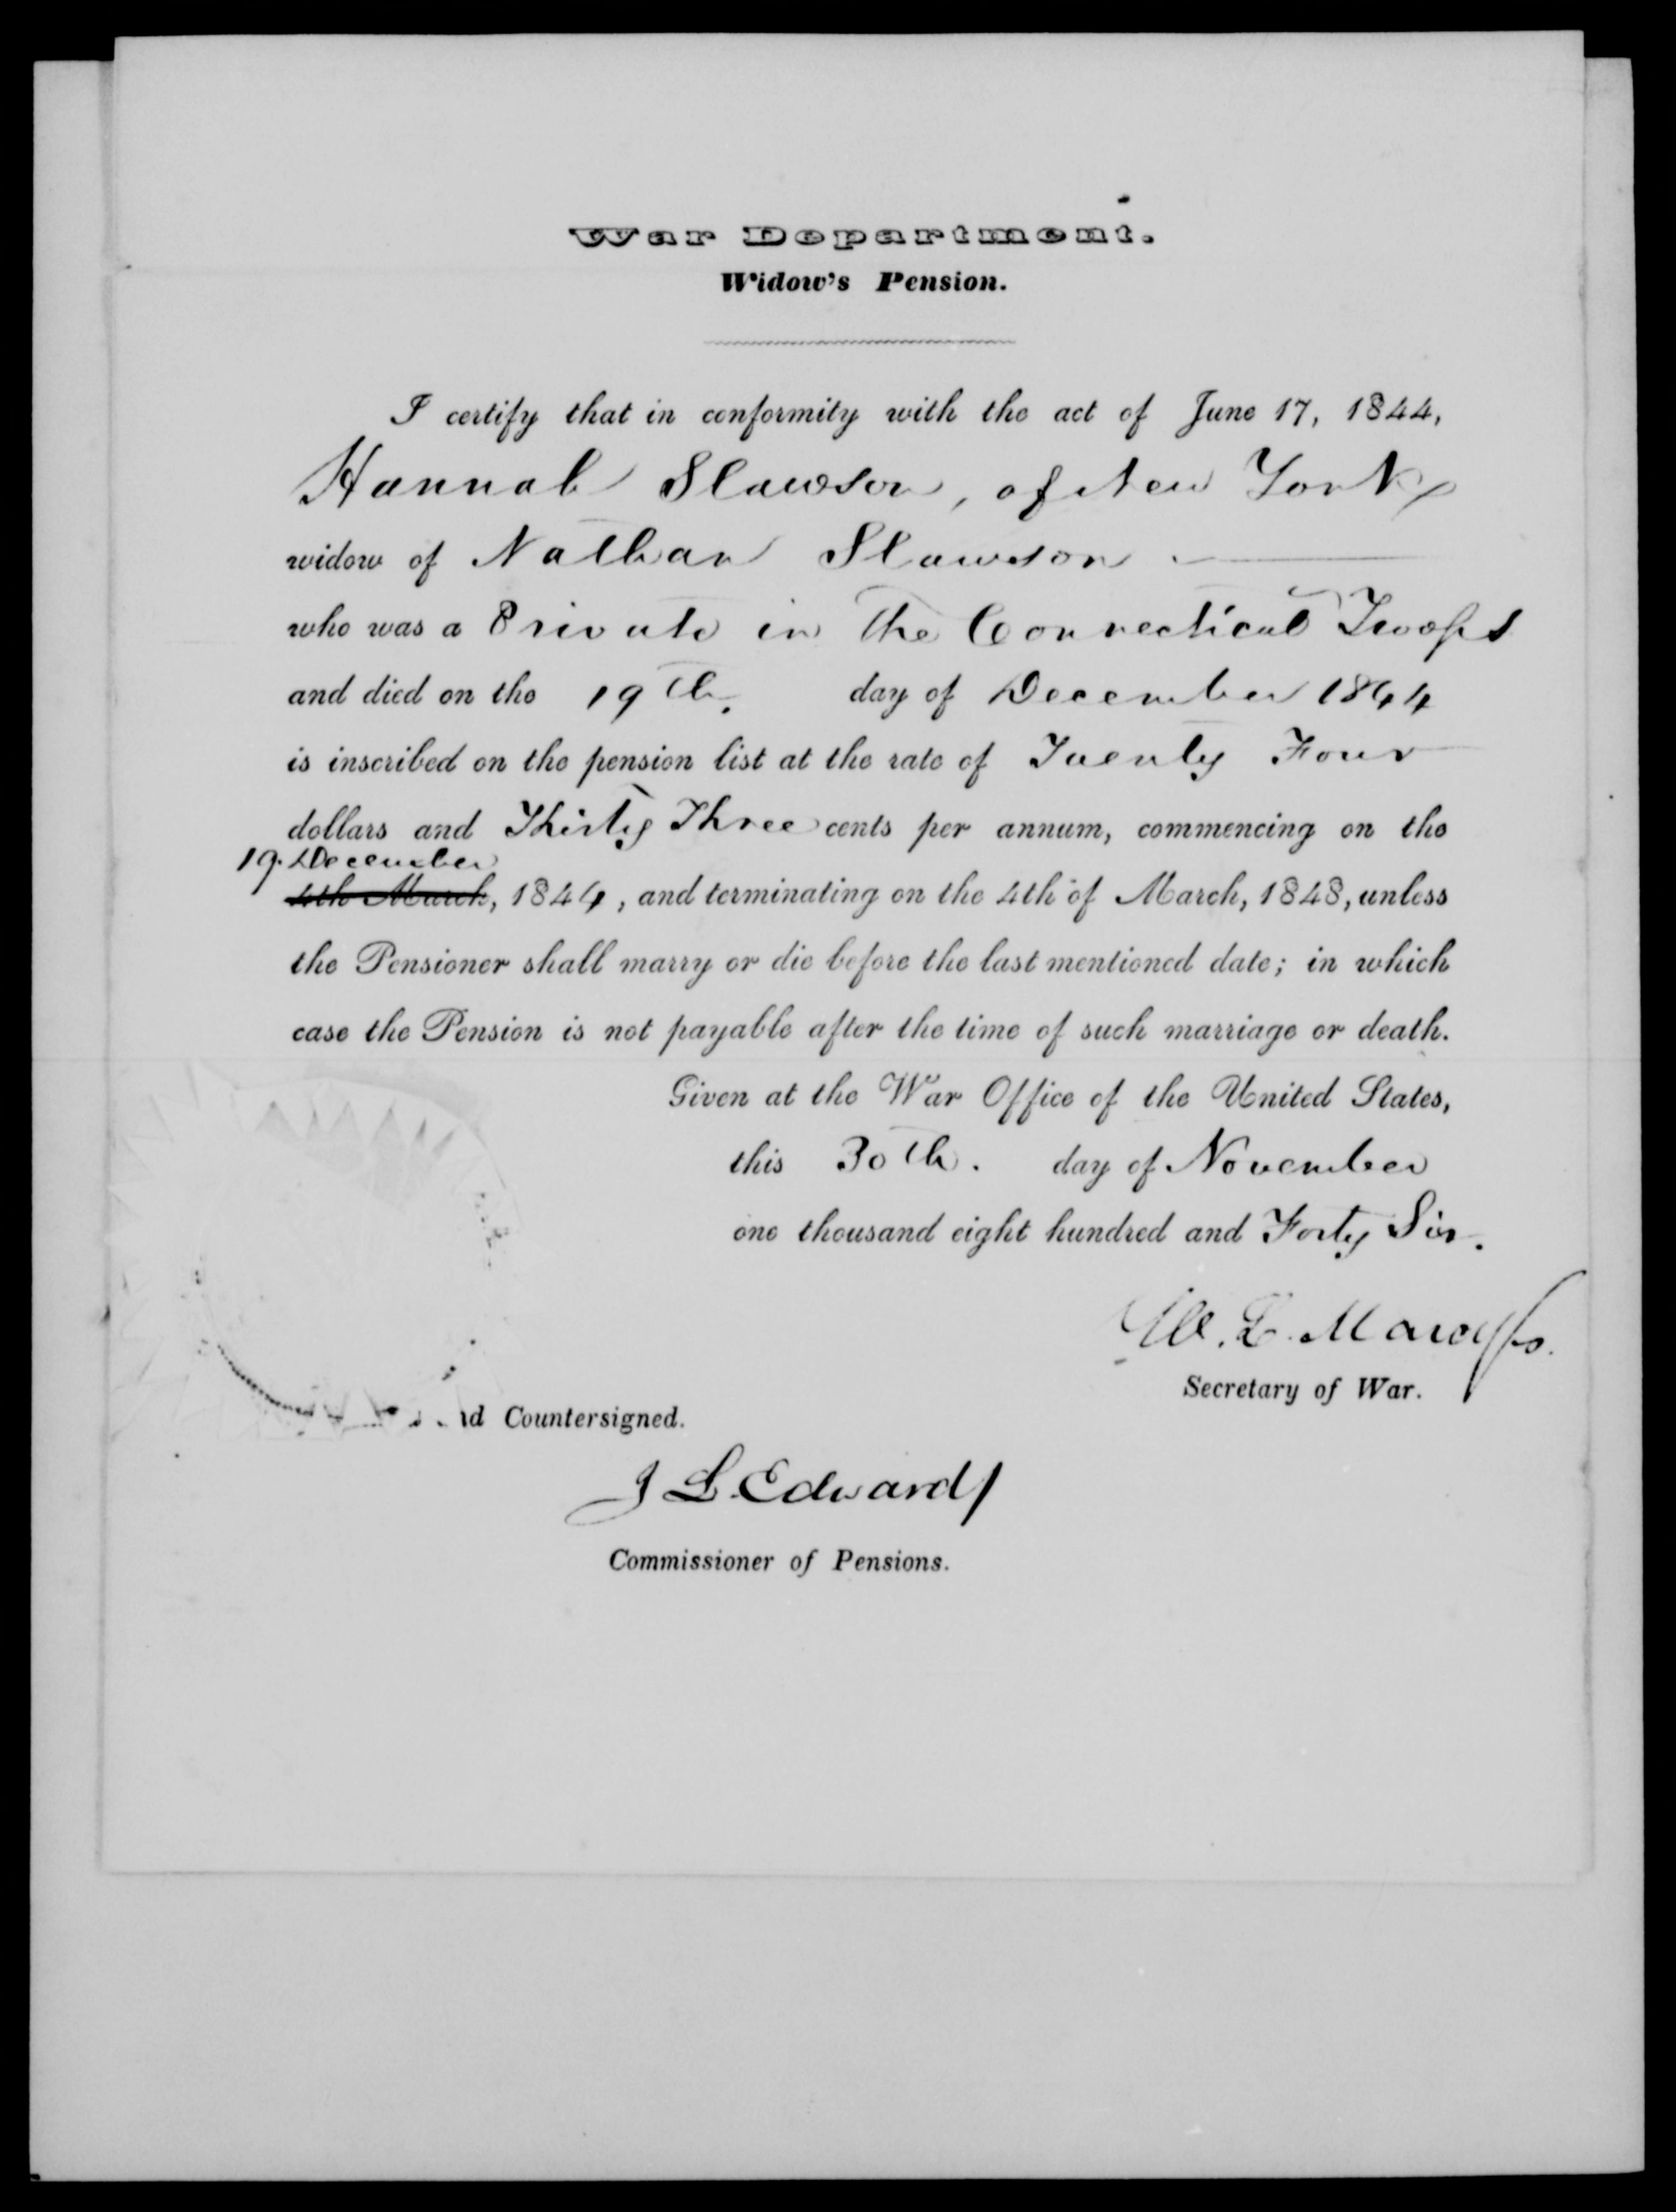WAR DEPARTMENT
Widow's Pension. 
I certify that in conformity with the act of June 17, 1844 Hannah Slawson, of New York widow of Nathan Slawson who was a Private in the Connecticut Troops and died on the 19th. day of December 1844 is inscribed on the pension list at the rate of Twenty Four dollars and thirty three cents per annum, commencing on the 19 December March, 1844, and terminating on the 4th of March, 1848, unless the Pensioner shall marry or die before the last mentioned date; in which case the Pension is not payable after the time of such marriage or death 
Given at the War Office of the United States, this 30th day of November one thousand eight hundred and Forty Six 
W.L. Marcy Esq 
Secretary of War.
Countersigned. J L Edwards Commissioner of Pensions.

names: J L Edwards; Hannah Slawson; Nathan Slawson; W L Marcy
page: 49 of 87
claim: widow's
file: W. 22,226, for Nathan Slawson, Connecticut